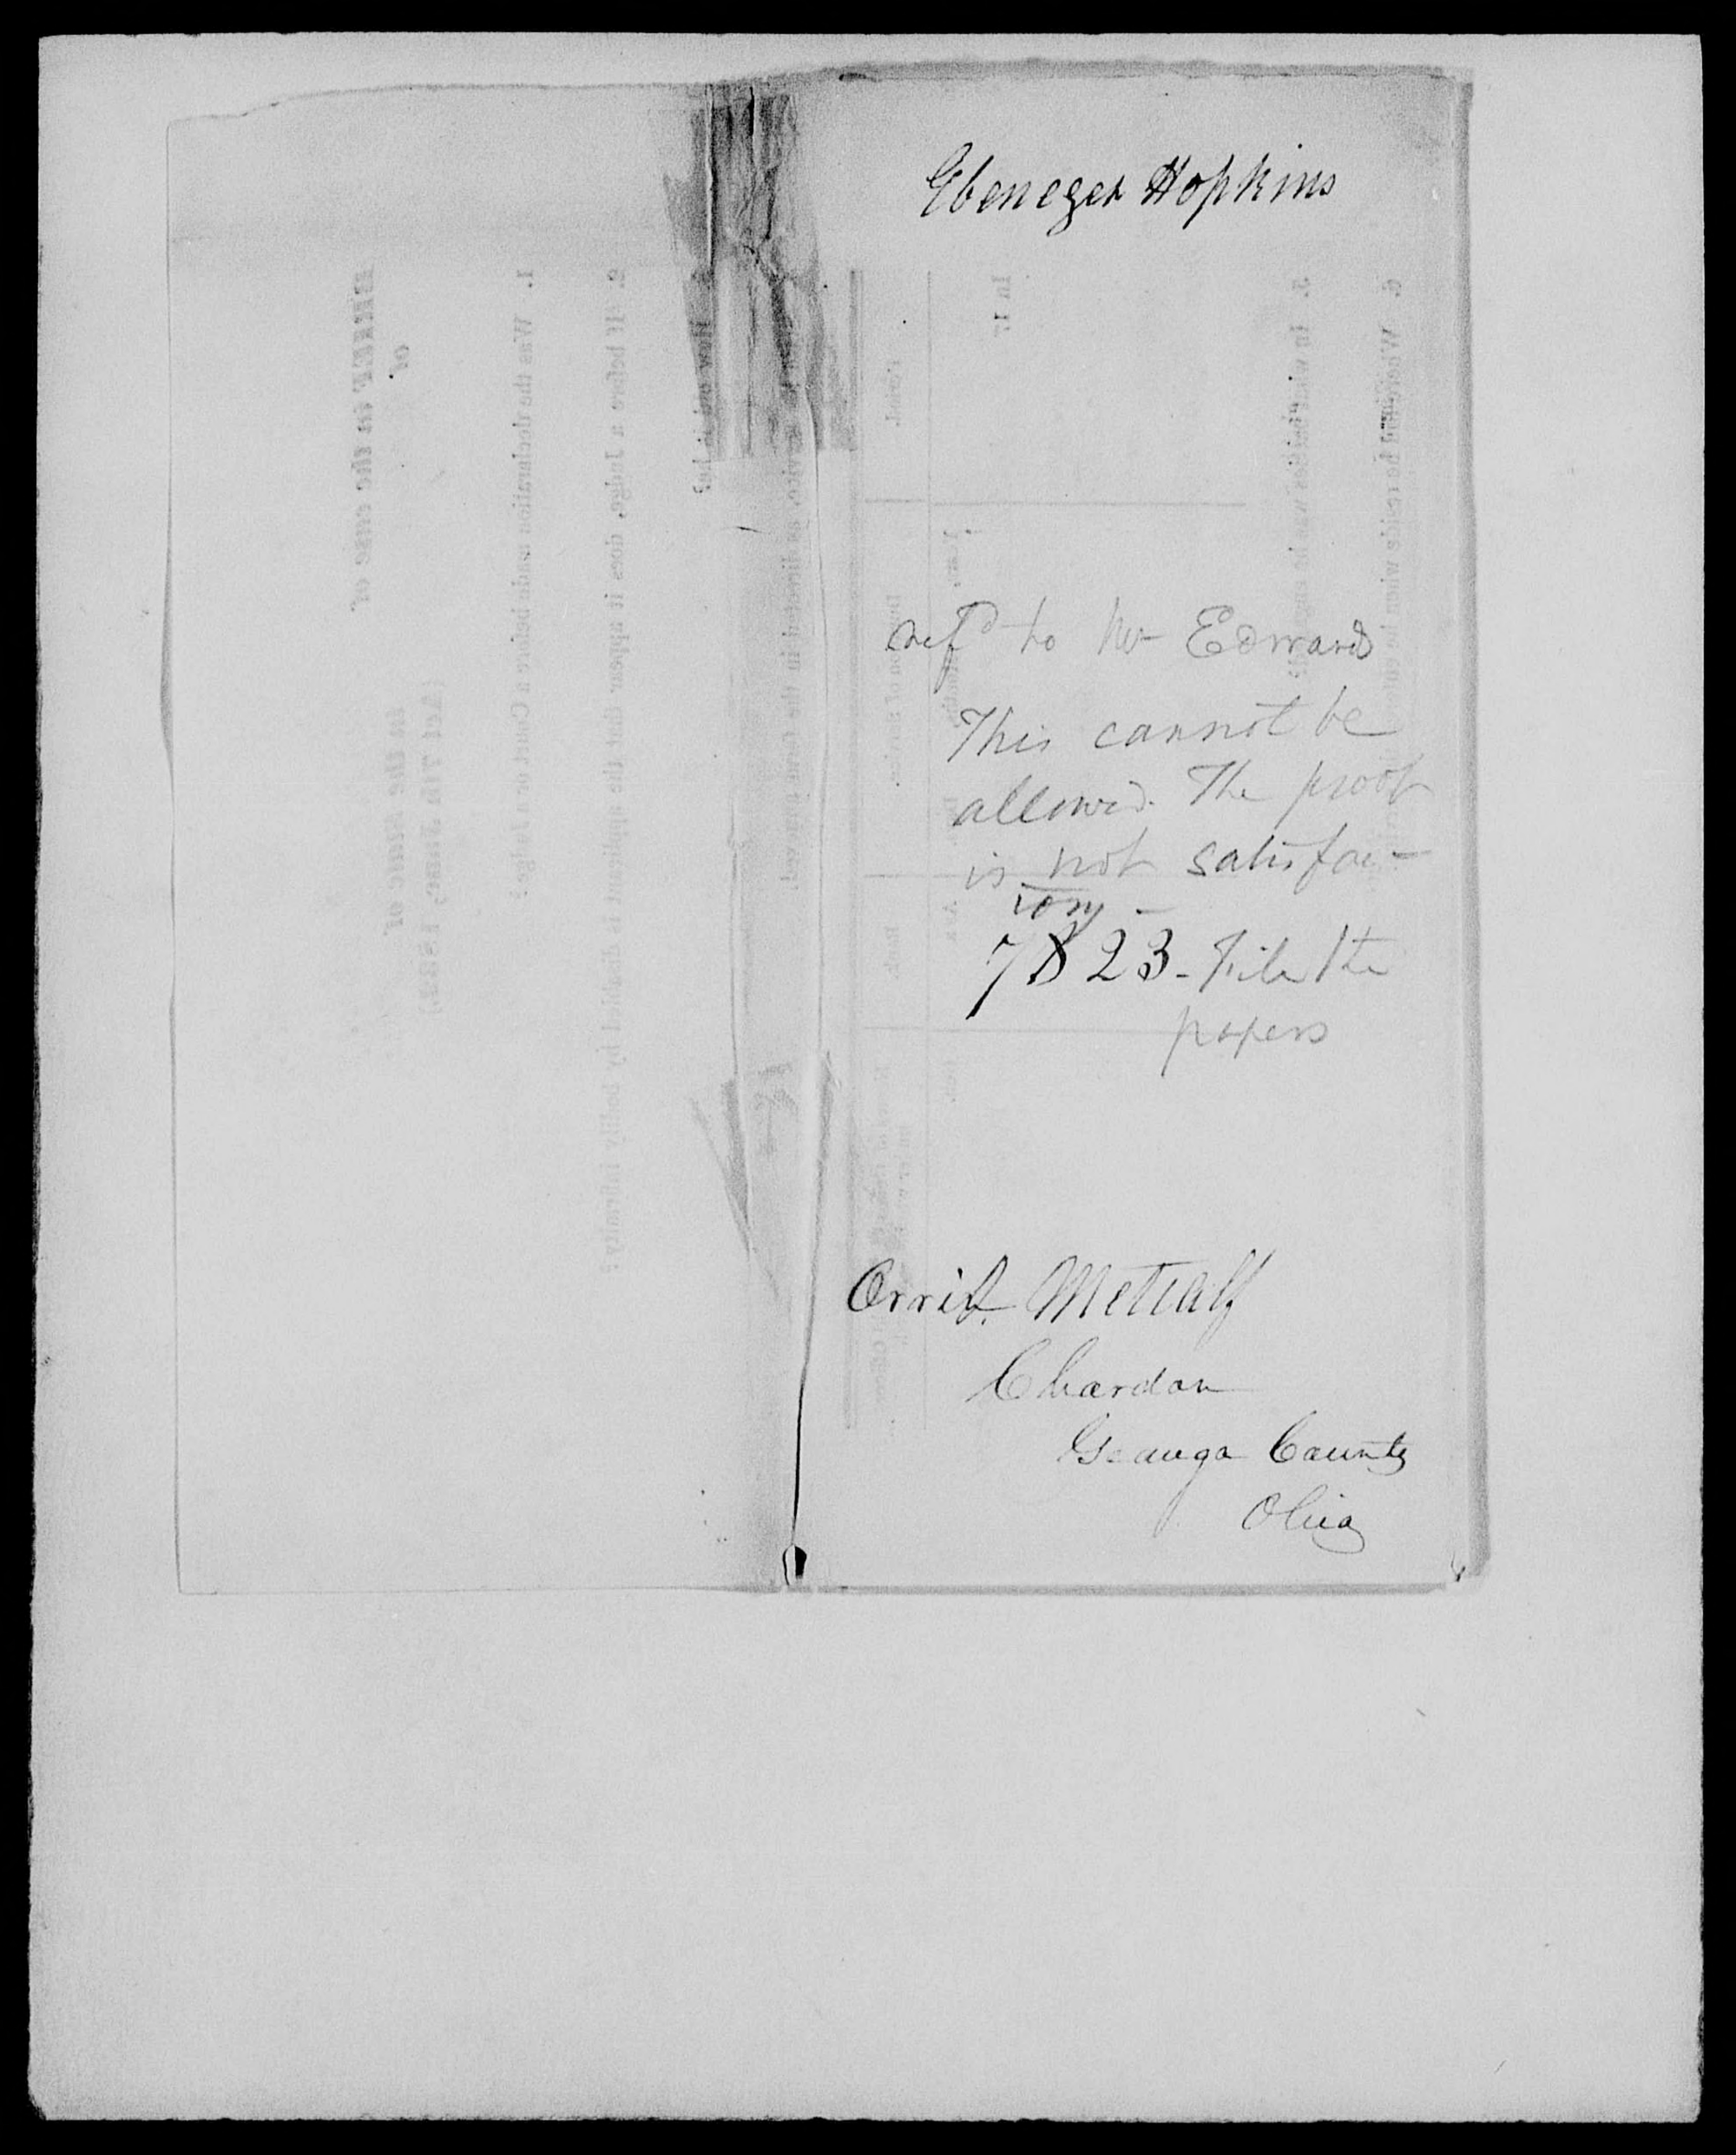Ebenezer Hopkins


refd to Edward
This cannot be
allowed. The proof
is not satisfactory -
7823-file the
papers



Orrin Metcalf
Chardon
Geauga County
Ohio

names: Edwards, Orrin Metcalf, Ebenezer Hopkins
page: 70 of 144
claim: rejected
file: R. 5208, Dennis Hopkins, N.C.